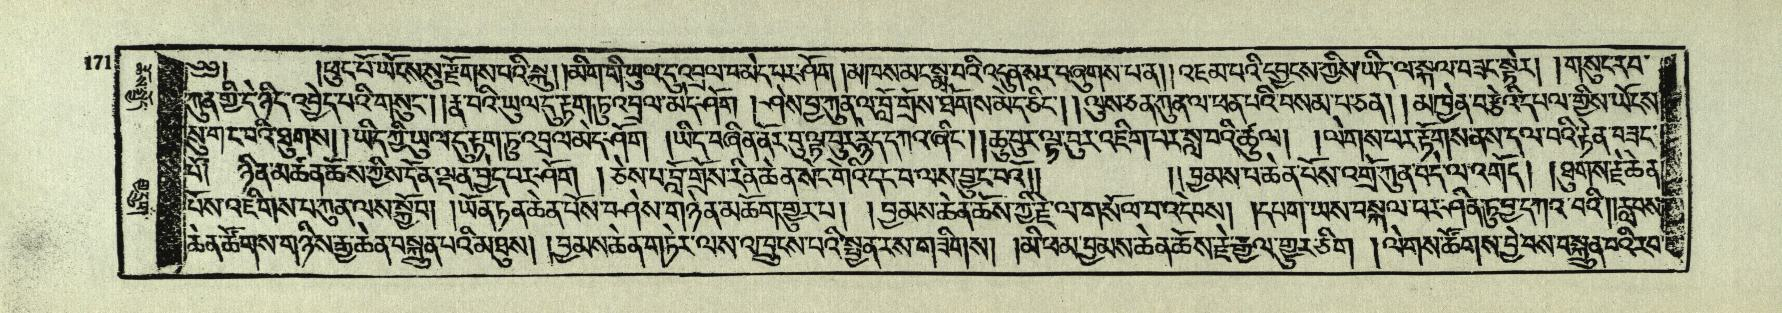༄༅། །ཕུང་པོ་ཡོངས་སུ་རྫོགས་པའི་སྐུ། །མིག་གི་ཡུལ་དུ་འབྲལ་བ་མེད་པར་ཤོག །མཁས་མང་སྨྲ་བའི་འདུན་སར་བཞུགས་པ་ན། །འཇམ་པའི་དབྱངས་ཀྱིས་ཡིད་ལ་སྐལ་བཟང་སྟེར། །གསུང་རབ་
ཀུན་གྱི་དེ་ཉིད་འབྱེད་པའི་གསུང་། །རྣ་བའི་ཡུལ་དུ་རྟག་ཏུ་འབྲལ་མེད་ཤོག །ཤེས་བྱ་ཀུན་ལ་བློ་གྲོས་ཐོགས་མེད་ཅིང་། །ལུས་ཅན་ཀུན་ལ་ཕན་པའི་བསམ་པ་ཅན། །མཁྱེན་བརྩེའི་དཔལ་གྱིས་ཡོངས་
སུ་གང་བའི་ཐུགས། །ཡིད་ཀྱི་ཡུལ་དུ་རྟག་ཏུ་འབྲལ་མེད་ཤོག །ཡིད་བཞིན་ནོར་བུ་ལྟ་བུར་རྙེད་དཀའ་ཞིང་། །ཆུ་བུར་ལྟ་བུར་འཇིག་པར་སླ་བའི་ཚུལ། །ལེགས་པར་རྟོགས་ནས་དལ་བའི་རྟེན་བཟང་
པོ༑ ཉིན་མཚན་ཆོས་ཀྱིས་དོན་ལྡན་བྱེད་པར་ཤོག །ཅེས་པ་བློ་གྲོས་རིན་ཆེན་སེང་གེའི་དང་བ་ལས་བྱུང་བའོ།། །།བྱམས་པ་ཆེན་པོས་འགྲོ་ཀུན་བདེ་ལ་འགོད། །ཐུགས་རྗེ་ཆེན་
པོས་འཇིགས་པ་ཀུན་ལས་སྐྱོབ། །ཡོན་ཏན་ཆེན་པོས་བཤེས་གཉེན་མཆོག་གྱུར་པ། །བྱམས་ཆེན་ཆོས་ཀྱི་རྗེ་ལ་གསོལ་བ་འདེབས། །དཔག་ཡས་བསྐལ་པར་ཤིན་ཏུ་བྱ་དཀའ་བའི། །རླབས་
ཆེན་ཚོགས་གཉིས་རྒྱ་ཆེན་བསྐྲུན་པའི་མཐུས། །བྱམས་ཆེན་གཏེར་ལས་འཁྲུངས་པའི་སྤྱན་རས་གཟིགས། །མི་ཕམ་བྱམས་ཆེན་ཆོས་རྗེ་རྒྱལ་གྱུར་ཅིག །ལེགས་ཚོགས་བྱེ་བས་བསྐྲུན་པའི་རབ་